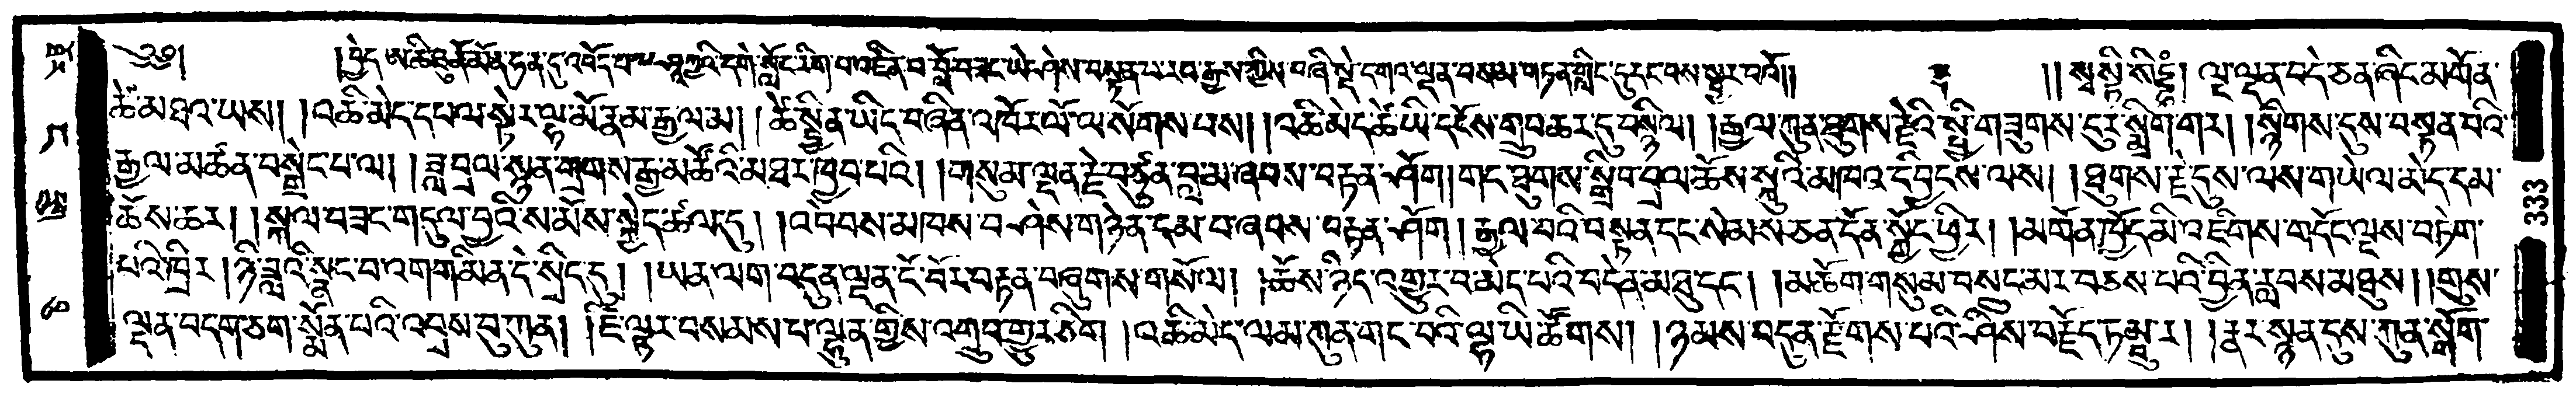༄༅། །བྱེད་ཨ་ཆི་ཐུ་ནོ་མོན་ཧན་དུ་འབོད་པ ༧་ཤཱཀྱའི་དགེ་སློང་རིག་པ་འཛིན་པ་བློ་བཟང་ཡེ་ཤེས་བསྟན་པ་རབ་རྒྱས་ཀྱིས་བཞི་སྡེ་དགའ་ལྡན་བསམ་གཏན་གླིང་དུ་དང་བས་སྦྱར་བའོ།། ༈ །།སྭ་སྟི་སིདྡྷཾ། ལྔ་ལྡན་བདེ་ཅན་ཞིང་མགོན་
ཚེ་མཐའ་ཡས། །འཆི་མེད་དཔལ་སྟེར་ལྷ་མོ་རྣམ་རྒྱལ་མ། །ཚེ་སྦྱིན་ཡིད་བཞིན་འཁོར་ལོ་ལ་སོགས་པས། །འཆི་མེད་ཚེ་ཡི་དངོས་གྲུབ་ཆར་དུ་བསྙིལ། །རྒྱལ་ཀུན་ཐུགས་རྗེའི་སྤྱི་གཟུགས་ངུར་སྨྲིག་གར། །སྙིགས་དུས་བསྟན་པའི་
རྒྱལ་མཚན་བསྒྲེང་པ་ལ། །ཟླ་བྲལ་སྙན་གྲགས་རྒྱ་མཚོའི་མཐར་ཁྱབ་པའི། །གསུམ་ལྡན་རྗེ་བཙུན་བླ་མ་ཞབས་བརྟན་ཤོག །གང་ཐུགས་སྒྲིབ་བྲལ་ཆོས་སྐུའི་མཁའ་དབྱིངས་ལས། །ཐུགས་རྗེ་དུས་ལས་གཡེལ་མེད་དམ་
ཆོས་ཆར། །སྐལ་བཟང་གདུལ་བྱའི་ས་མོས་སྐྱེད་ཚལ་དུ། །འབེབས་མཁས་བཤེས་གཉེན་དམ་པ་ཞབས་བརྟན་ཤོག །རྒྱལ་བའི་བསྟན་དང་སེམས་ཅན་དོན་སྐྱོང་ཕྱིར། །མགོན་ཁྱོད་མི་འཇིགས་གདོང་ལྔས་བཏེག་
པའི་ཁྲིར། །ཉི་ཟླའི་སྣང་བ་འགག་མིན་དེ་སྲིད་དུ། །ཡན་ལག་བདུན་ལྡན་ངོ་བོར་བརྟན་བཞུགས་གསོལ། །ཆོས་ཉིད་འགྱུར་བ་མེད་པའི་བདེན་མཐུ་དང་། །མཆོག་གསུམ་བསྲུང་མར་བཅས་པའི་བྱིན་རླབས་མཐུས། །གུས་
ལྡན་བདག་ཅག་སྨོན་པའི་འབྲས་བུ་ཀུན། །ཇི་ལྟར་བསམས་པ་ལྷུན་གྱིས་འགྲུབ་གྱུར་ཅིག །འཆི་མེད་ལམ་ཀུན་གང་བའི་ལྷ་ཡི་ཚོགས། །ཉམས་བདུན་རྫོགས་པའི་ཤིས་བརྗོད་ཏམྦུ་ར། །རྣར་སྙན་དུས་ཀུན་སྒོག་